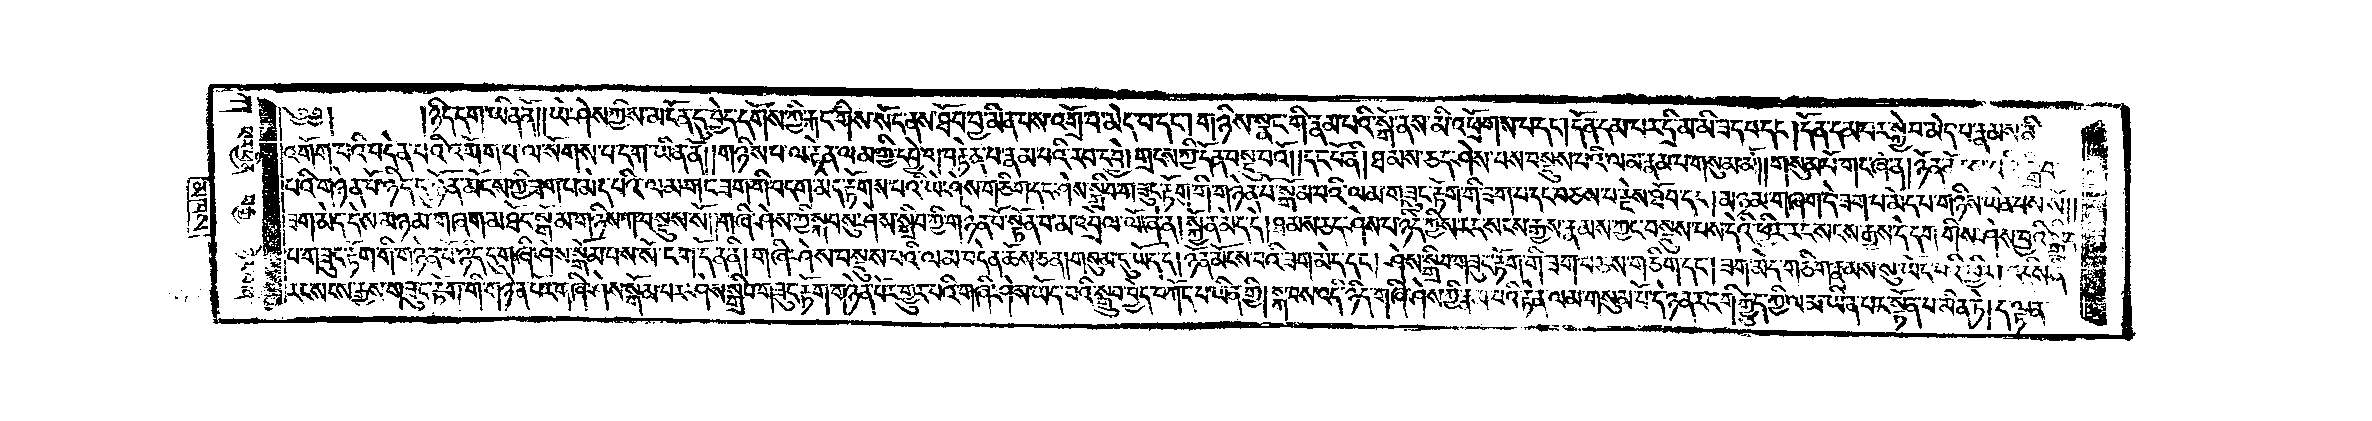༄༅། །ཉིད་དག་ཡིན་ནོ། །ཡེ་ཤེས་ཀྱིས་མངོན་དུ་བྱེད་དགོས་ཀྱི་རྐང་གིས་སོང་ནས་ཐོབ་བྱ་མིན་པས་འགྲོ་བ་མེད་པ་དང་། གཉིས་སྣང་གི་རྣམ་པའི་སྒོ་ནས་མི་འཕྲོགས་པ་དང་། དོན་དམ་པར་དྲི་མ་མི་ཟད་པ་དང་། དོན་དམ་པར་སྐྱེ་བ་མེད་པ་རྣམས་ནི་
འགོག་པའི་བདེན་པའི་འགོག་པ་ལ་སོགས་པ་དག་ཡིན་ནོ། །གཉིས་པ་ལ་རྟེན་ལམ་གྱི་དབྱེ་བ། བརྟེན་པ་རྣམ་པའི་རབ་དབྱེ། གྲངས་ཀྱི་དོན་བསྡུ་བའོ། །དང་པོ་ནི། ཐམས་ཅད་ཤེས་པས་བསྡུས་པའི་ལམ་རྣམ་པ་གསུམ་མོ། །གསུམ་པོ་གང་ཞེ་ན། ཉོན་མོངས་པའི་སྒྲིབ་
པའི་གཉེན་པོ་ཉིད་དུ་ཉོན་མོངས་ཀྱི་ཟག་པ་མེད་པའི་ལམ་གང་ཟག་གི་བདག་མེད་རྟོགས་པའི་ཡེ་ཤེས་གཅིག་དང་ཤེས་སྒྲིབ་གཟུང་རྟོག་གི་གཉེན་པོ་སྒོམ་པའི་ལམ་གཟུང་རྟོག་གི་ཟག་པ་དང་བཅས་པ་རྗེས་ཐོབ་དང་། མཉམ་གཞག་དེ་ཟག་པ་མེད་པ་གཉིས་ཡིན་པས་སོ། །
ཟག་མེད་དེས་མཉམ་གཞག་མཐོང་སྒོམ་གཉིས་ཀ་བསྡུས་སོ། །གཞི་ཤེས་ཀྱི་སྐབས་སུ་ཤེས་སྒྲིབ་ཀྱི་གཉེན་པོ་སྟོན་པ་མ་འབྲེལ་ལོ་ཞེ་ན། སྐྱོན་མེད་དེ། ཐམས་ཅད་ཤེས་པ་ཉིད་ཀྱིས་རང་སངས་རྒྱས་རྣམས་ཀྱང་བསྡུས་པས་དེའི་ཕྱིར་རང་སངས་རྒྱས་དེ་དག་གིས་ཤེས་བྱའི་སྒྲིབ་
པ་གཟུང་རྟོག་གི་གཉེན་པོ་ཉིད་དུ་གཞི་ཤེས་སྒོམ་པས་སོ་ངག་དོན་ནི། གཞི་ཤེས་བསྡུས་པའི་ལམ་བདེན་ཆོས་ཅན། གསུམ་དུ་ཡོད་དེ། ཉོན་མོངས་པའི་ཟག་མེད་དང་། ཤེས་སྒྲིབ་གཟུང་རྟོག་གི་ཟག་བཅས་གཅིག་དང་། ཟག་མེད་གཅིག་རྣམས་སུ་ཡོད་པའི་ཕྱིར། འདིས་ནི་
རང་སངས་རྒྱས་གཟུང་རྟོག་གི་གཉེན་པོར་གཞི་ཤེས་སྒོམ་པར་ཤེས་སྒྲིབ་གཟུང་རྟོག་གཉེན་པོར་གྱུར་བའི་གཞི་ཤེས་ཡོད་པའི་སྒྲུབ་བྱེད་བཀོད་པ་ཡིན་གྱི། སྐབས་འདི་ཉིད་གཞི་ཤེས་ཀྱི་རྣམ་པའི་རྟེན་ལམ་གསུམ་པོ་དེ་ཉན་རང་གི་རྒྱུད་ཀྱི་ལམ་ཡིན་པར་སྟོན་པ་མིན་ཏེ། ད་ལྟ་ན་